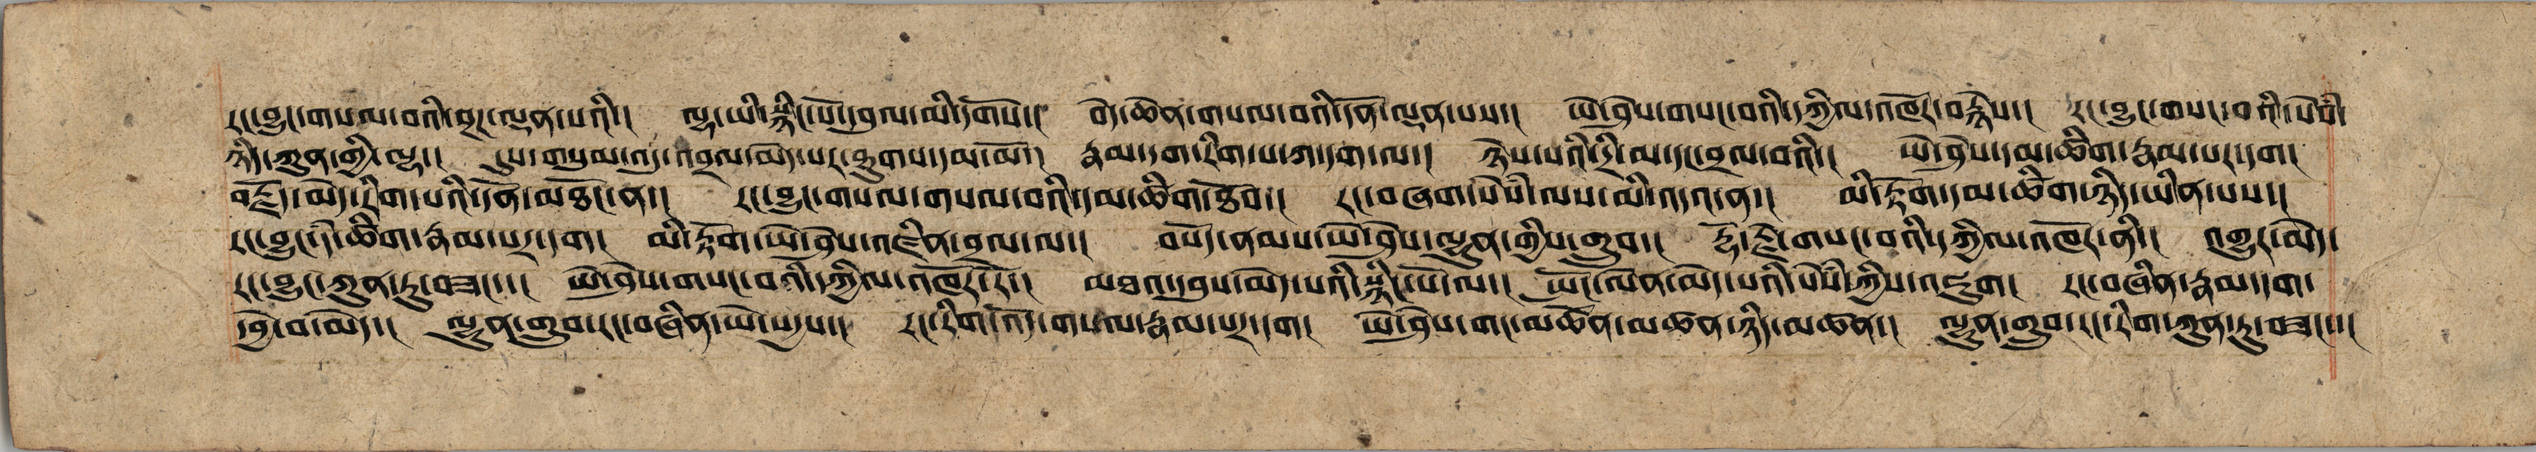རང་བྱུང་གསལ་བའི་སྔཌ་ལྡན་པའི་། ལྷ་ཡི་སྙིང་པོ་དབུལ་མི་དགོས་། བདེ་ཆེན་གསལ་བའི་དོན་ལྡན་པས་། ཡེ་ཤེས་གསང་བའི་དཀྱིལ་འཁོར་བརྙེས་། རང་བྱུང་གསང་བའི་སེཾས་
ཉིད་ཀུན་གྱི་ལྷ་། དུས་གསུམ་འདུ་འབྲལ་མེད་པར་ཐུགས་དམ་མོ་། རྣམ་དག་རིག་པ་ཀ་དག་ལ་། ཉེས་པའི་དྲི་མ་དང་བྲལ་བའི་། ཡེ་ཤེས་དམ་ཚིག་རྣམ་པར་དག།
བརྗོད་མེད་རིག་པའི་དོན་མཐོང་ན་། རང་བྱུང་གསལ་གསལ་བའི་དམ་ཚིག་ཐོབ་། རང་བཞག་སེཾས་ལས་མི་འདའ་ན་། མི་རྟོག་དམ་ཚིག་ཉིད་ཡིན་པས་།
རང་བྱུང་དཾ་ཚིག་རྣམ་པར་དག། མི་རྟོག་ཡེ་ཤེས་འཛིན་བྲལ་ལ་། བསོད་ནམས་ཡེ་ཤེས་ལྷུན་གྱིས་གྲུབ་། རྡོ་རྗེ་གསང་བའི་དཀྱིལ་འཁོར་ནི་། འགྱུར་མེད་
རང་བྱུང་ཀུན་ཏུ་བཟང་། ཡེ་ཤེས་གསང་བའི་དཀྱིལ་འཁོར་རོ་། མཐའ་དབུས་མེད་པའི་སྙིང་པོ་ལ་། སྤོང་ལེན་མེད་པའི་སེསཾ་ཀྱིས་འཇུག། རང་བཞིན་རྣམ་དག་
དབྱེ་བ་མེད། ལྷུན་གྲུབ་རང་བཞིན་ཡེ་སདྱས་། རང་རིག་འོད་གསལ་རྣམ་པར་དག། ཡེ་ཤེས་གང་མཚོན་མཚན་ཉིད་མཚན་། ལྷུན་གྲུབ་རང་རིག་ཀུན་ཏུ་བཟང་།